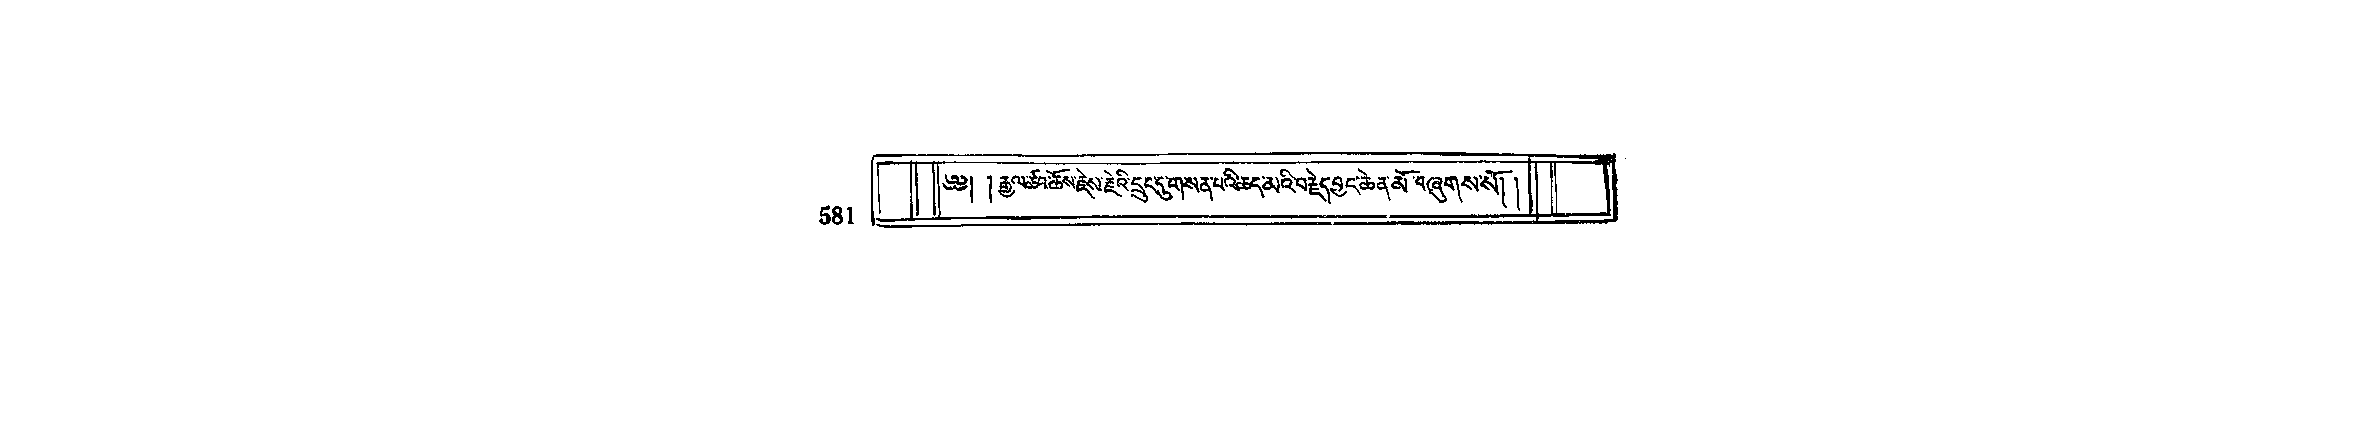༄༅། །རྒྱལ་ཚབ་རྗེས་རྗེའི་དྲུང་དུ་གསན་པའི་ཚད་མའི་བརྗེད་བྱང་ཆེན་མོ་བཞུགས་སོ། །